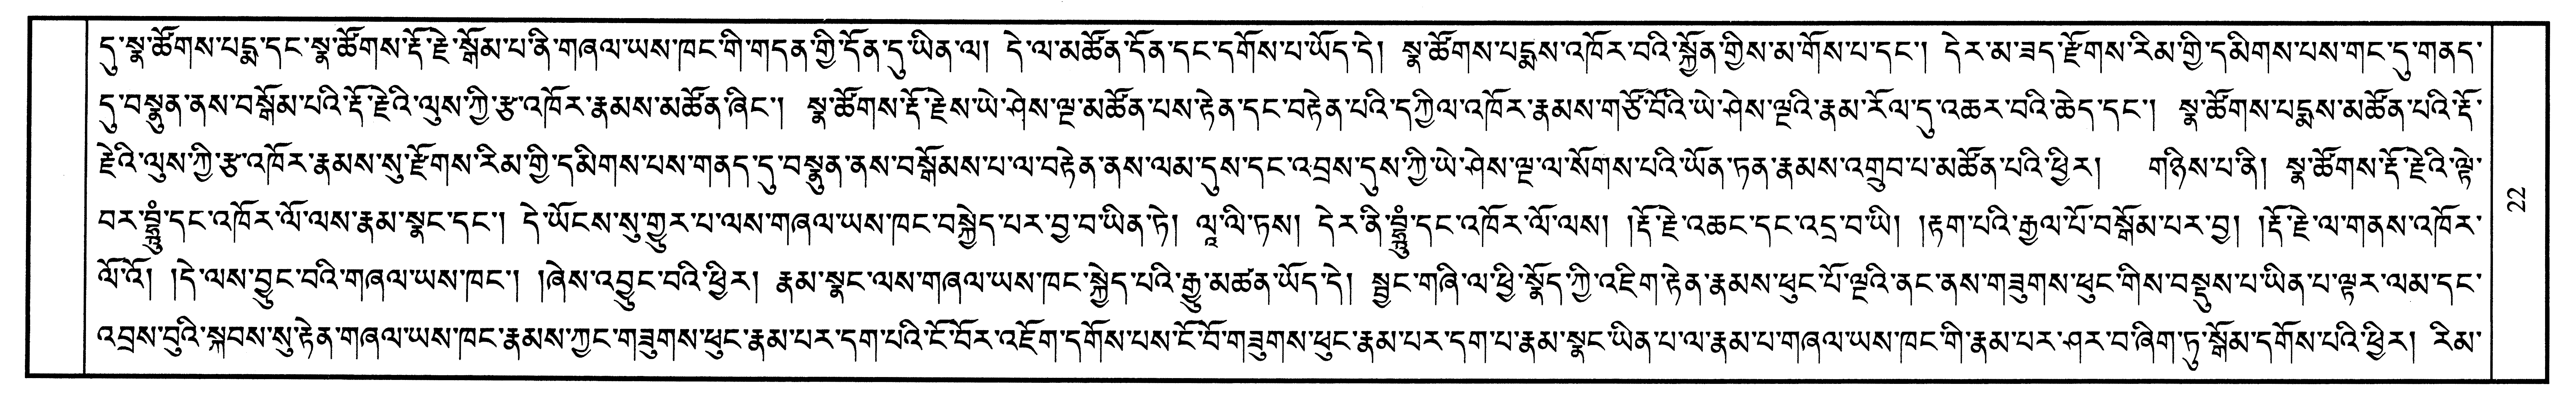དུ་སྣ་ཚོགས་པདམ་དང་སྣ་ཚོགས་རྡོ་རྗེ་སྒོམ་པ་ནི་གཞལ་ཡས་ཁང་གི་གདན་གྱི་གདན་གྱི་དོན་དུ་ཡིན་ལ། དེ་ལ་མཚོན་དོན་དང་དགོས་པ་ཡོད་དེ། སྣ་ཚོགས་པདམས་འཁོར་བའི་སྐྱོན་གྱིས་མ་གོས་པ་དང་། དེར་མ་ཟད་རྫོགས་རིམ་གྱི་དམིགས་པས་གང་དུ་གནད་
དུ་བསྣུན་ནས་བསྒོམ་པའི་རྡོ་རྗེའི་ལུས་ཀྱི་རྩ་འཁོར་རྣམས་མཚོན་ཞིང་། སྣ་ཚོགས་རྡོ་རྗེས་ཡེ་ཤེས་ལྔ་མཚོན་པས་རྟེན་དང་བརྟེན་པའི་དཀྱིལ་འཁོར་རྣམས་གཙོ་བོའི་ཡེ་ཤེས་ལྔའི་རྣམ་རོལ་དུ་འཆར་བའི་ཆེད་དང་། སྣ་ཚོགས་པདམས་མཚོན་པའི་རྡོ་
རྗེའི་ལུས་ཀྱི་རྩ་འཁོར་རྣམས་སུ་རྫོགས་རིམ་གྱི་དམིགས་པས་གནད་དུ་བསྣུན་ནས་བསྒོམས་པ་ལ་བརྟེན་ནས་ལམ་དུས་དང་འབྲས་དུས་ཀྱི་ཡེ་ཤེས་ལྔ་ལ་སོགས་པའི་ཡོན་ཏན་རྣམས་འགྲུབ་པ་མཚོན་པའི་ཕྱིར། གཉིས་པ་ནི། སྣ་ཚོགས་རྡོ་རྗེའི་ལྟེ་
བར་བྷྲཱུཾ་དང་འཁོར་ལོ་ལས་རྣམ་སྣང་དང་། དེ་ཡོངས་སུ་གྱུར་པ་ལས་གཞལ་ཡས་ཁང་བསྐྱེད་པར་བྱ་བ་ཡིན་ཏེ། ལཱ་ལི་ཏས། དེར་ནི་བྷྲཱུཾ་དང་འཁོར་ལོ་ལས། །རྡོ་རྗེ་འཆང་དང་འདྲ་བ་ཡི། །རྟག་པའི་རྒྱལ་པོ་བསྒོམ་པར་བྱ། །རྡོ་རྗེ་ལ་གནས་འཁོར་
ལོ་འོ། །དེ་ལས་བྱུང་བའི་གཞལ་ཡས་ཁང་། །ཞེས་འབྱུང་བའི་ཕྱིར། རྣམ་སྣང་ལས་གཞལ་ཡས་ཁང་སྐྱེད་པའི་རྒྱུ་མཚན་ཡོད་དེ། སྦྱང་གཞི་ལ་ཕྱི་སྣོད་ཀྱི་འཇིག་རྟེན་རྣམས་ཕུང་པོ་ལྔའི་ནང་ནས་གཟུགས་ཕུང་གིས་བསྡུས་པ་ཡིན་པ་ལྟར་ལམ་དང་
འབྲས་བུའི་སྐབས་སུ་རྟེན་གཞལ་ཡས་ཁང་རྣམས་ཀྱང་གཟུགས་ཕུང་རྣམ་པར་དག་པའི་ངོ་བོར་འཇོག་དགོས་པས་ངོ་བོ་གཟུགས་ཕུང་རྣམ་པར་དག་པ་རྣམ་སྣང་ཡིན་པ་ལ་རྣམ་པ་གཞལ་ཡས་ཁང་གི་རྣམ་པར་ཤར་བ་ཞིག་ཏུ་སྒོམ་དགོས་པའི་ཕྱིར། རིམ་